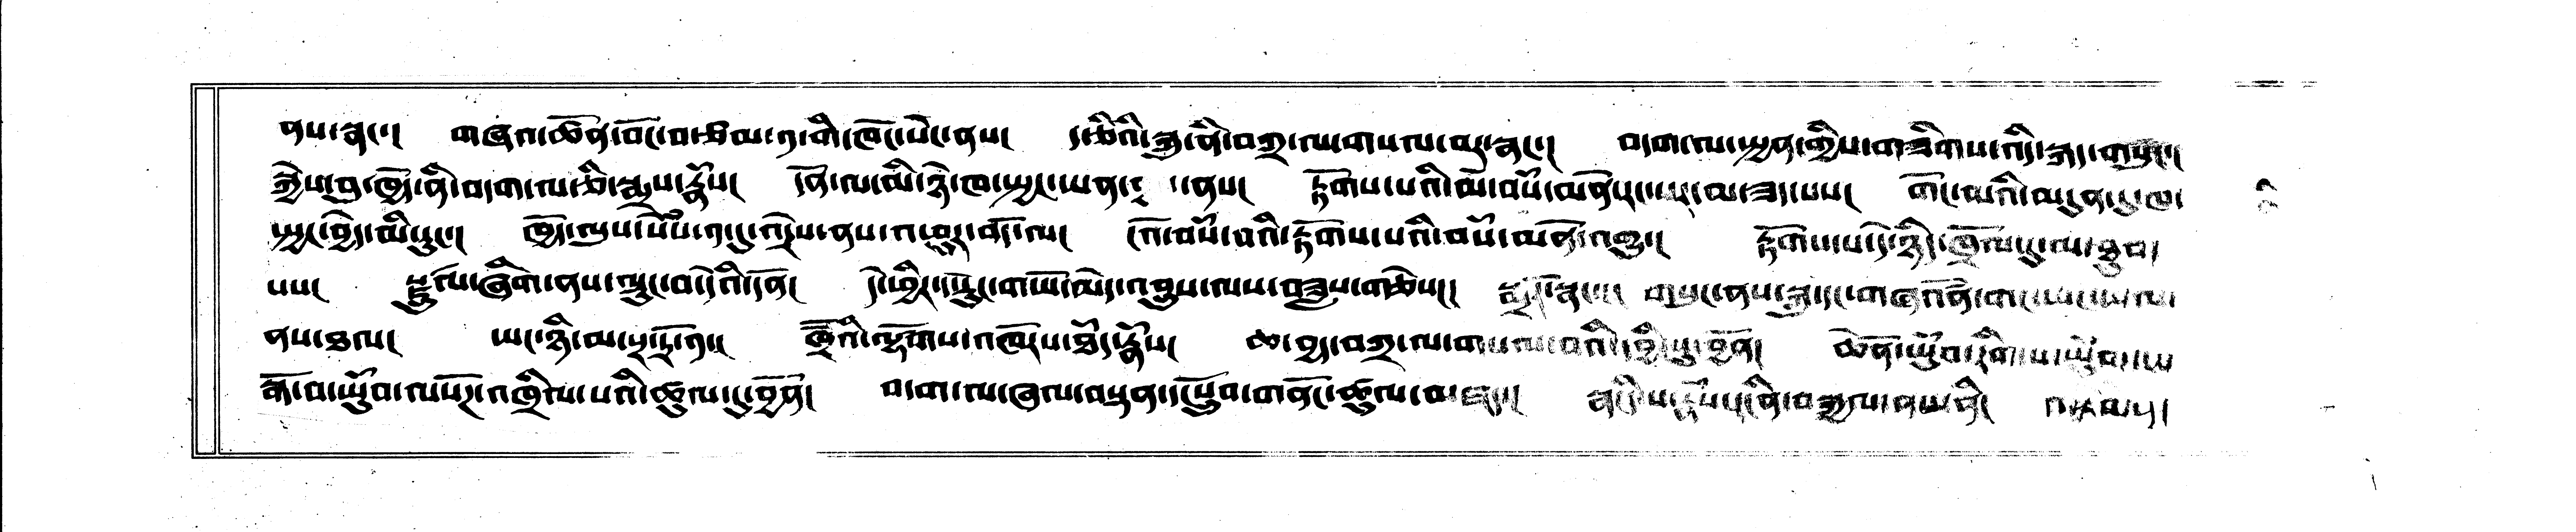ནས་སྣང་། གཞའ་ཚོན་བོང་བ་ཙམ་གཅིག་གི་ཁོང་སེང་ནས། ད་ཅིའི་སྐུ་ནི་བཀྲ་ལ་གསལ་བར་སྣང་། བདག་ལ་སྤྱན་གྱིས་གཟིགས་འདི་སྐད་གསུང་། 
སྐྱེས་བུ་ཁྱོད་ནི་བདག་ལ་ཅི་སྨྲས་རྣམས། དོན་ལ་མི་ཉེ་ཁ་སྤྱང་ཡན་བྱས་ནས། རྟོགས་པའི་མོ་བསམ་མནོ་རང་སར་མ་ཟད་པས། གོང་མའི་མདུན་དུ་ཁ་
སྤྱང་བྱེད་མི་རུང་། ཁྱོད་ལུས་སེམས་གཅིག་དུ་འདྲེས་ནས་འཕུར་བདོ་ལ། ངའོ་བསམ་བའི་རྟོགས་པའི་བསམ་མནོ་འགྱུ། རྟོགས་པ་དེ་ཉིད་ཁྲོལ་དུ་མ་ཐུབ་
པས། རྫུ་འཕྲུལ་ཞིག་ནས་ལྟུང་བ་དེའི་དོན། དེ་ཕྱིར་དོ་རུང་གཡོ་མེད་འབྲས་བུ་ལས་བཟླས་གཅེས། སྨྲར་རོ་སྣང་། གསུང་ནས་སྐུ་དང་གཞའ་ཚོན་གང་ཡང་ཡལ་
ནས་ཐལ། ཡང་ཉི་མ་སྔ་དྲོ་གཅིག ཁྲོ་བོའི་ལྷ་ཚོགས་འཁོར་འདས་ཐམས་ཅད་རྣམས། ཆ་བྱད་བཀྲ་ལ་གསལ་བའི་དབྱིངས་སུ་བྱོན། ཆེན་པོ་ཡབ་ཡུམ་རིག་པ་ཡབ་ཡུམ་ལ་
སྒོ་བ་ཡབ་ཡུམ་ལ་སོགས་འཁྲིལ་པའི་ཚུལ་དུ་བྱོན། བདག་ལ་ཞལ་བསྟན་དངོས་གྲུབ་གནོང་ཚུལ་མཛད། སྣང་སྲིད་པ་རྣམས་རང་བཞིན་བརྒྱལ་ནས་ནི། བསྟབ་ན་